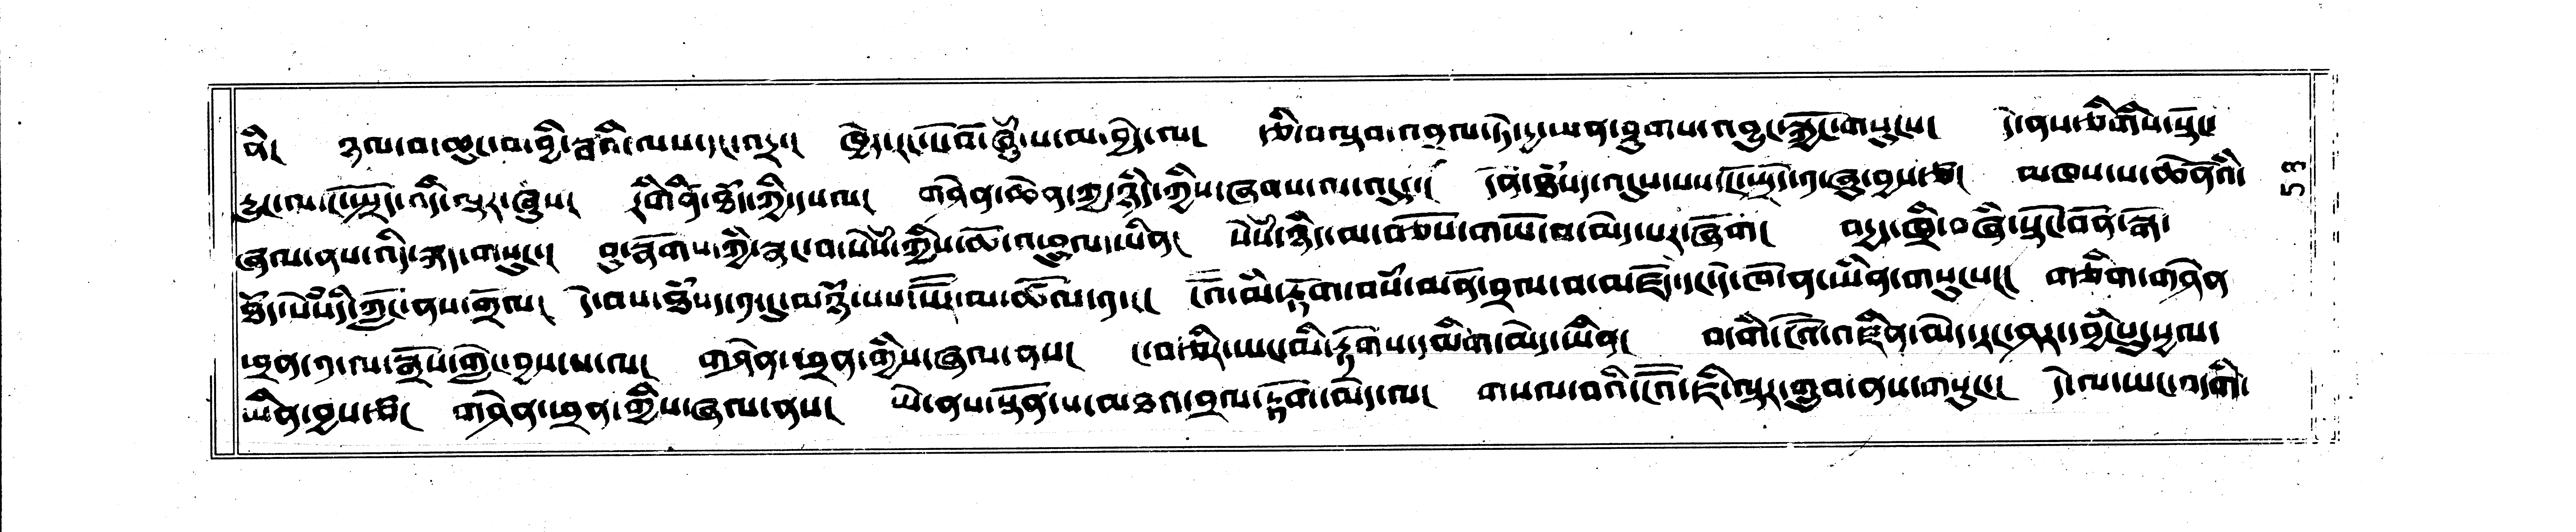ནི། ཉལ་བ་ཆུང་བ་བྱི་སྦའི་ལས་དང་འདྲ། ཁྱེད་རང་ངོ་བོ་ཞུམ་པ་མ་བྱེད་ལ། རྩི་བལྟབ་༼རྩིས་གདབ༽འབྲལ་ཏེ་རྒྱ་ཡན་ཤུགས་འབྱུང་སྐྱོང་གསུངས། དེ་ནས་ཅིག་གིས་སྟོང་
རྒྱུང་ལ་ངོ་སྤྲོད་འདི་ལྟར་ཞུས། རིག་འཛིན་ཐམས་ཅད་ཀྱི་དཔལ། གཤེན་ཆེན་ཀྱ་༼ལྷག་པ་འདྲ༽ཉིད་ཀྱི་ཞབས་ལ་འདུད། དོན་ཐམས་ཅད་འདུས་པས་ངོ་སྤྲོད་གཅིག་ཞུ་བྱས་ཙ། མཁས་པ་ཆེན་པོའི་
ཞལ་ནས་འདི་སྐད་གསུངས། བུ་སྣ་ཚོགས་ཀྱི་སྣང་བ་སེམས་ཀྱི་ཆོ་འཕྲུལ་ཡིན། སེམས་ཉིད་མ་བཅོས་གཡོ་བ་མེད་པར་ཞོག བརྒྱད་ཁྲི་བཞི་སྟོང་བོན་སྒོ་
ཐམས་ཅད་སེམས་ཉིད་ཀློང་ནས་གྲོལ། དེ་བས་ཐམས་ཅད་གཅིག་དུ་མཉམ་པས་སོ་སོར་མ་ཚོལ་གཅིག ངོ་བོ་མི་རྟོག་བསམ་མནོ་བྲལ་བ་མཛོད་དང་དེ་ཁོ་ན་ཡིན་གསུངས།། གཅིག་གཤེན་
ཕྲན་གཅིག་ལ་སྒྲོས་གླེང་བྱས་པ་ལ། གཤེན་ཕྲན་གྱིས་ཞལ་ནས། ངོ་བོ་ཅིར་ཡང་མི་རྟོག་དམིགས་མེད་ཡིན། བདག་གི་ངོ་བོ་འཛིན་མེད་རང་ཤར་དབྱིངས་སུ་གསལ་
ཡིན་བྱས་ཙ། གཤེན་ཕྲན་གྱིས་ཞལ་ནས། ཡེ་ནས་སྟོང་པ་མཐའ་བྲལ་རྟོག་མེད་ལ། གསལ་བའི་ངོ་བོ་ཇི་ལྟར་གྲུབ་ནས་གསུང་། དེ་ལ་ཡང་བདག་གི་